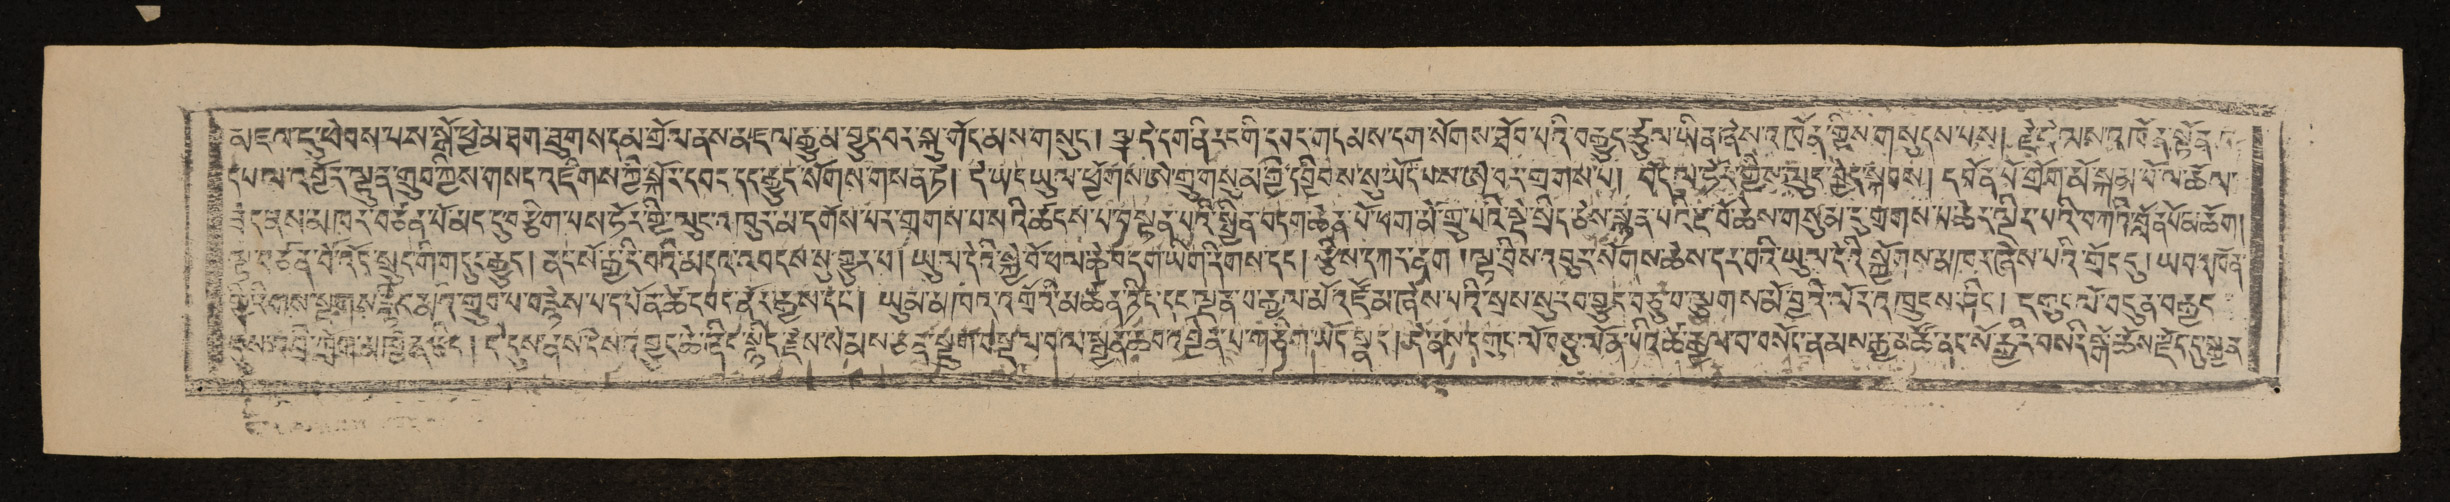མཇལ་དུ་ཕེབས་པས་སྒོ་ཕྱེ་མ་ཐག་ཐུགས་ངམ་གྲོལ་ནས་མཇལ་རྒྱུ་མ་བྱུང་བར་སྐུ་གོང་མས་གསུང་། ༈ དེ་དག་ནི་རང་གི་དབང་གདམས་ངག་སོགས་ཐོབ་པའི་བརྒྱུད་ཚུལ་ཡིན་ཞེས་འཁོན་གྱིས་གསུངས་པས། རྗེ་དེ་ལས་འཁོན་སྟོན་
དཔལ་འབྱོར་ལྷུན་གྲུབ་ཀྱིས་གསང་འཇིགས་ཀྱི་སྐོར་དབང་དང་རྒྱུད་སོགས་གསན་ཏེ། དེ་ཡང་ཡུལ་ཕྱོགས་ཨེ་གྲུ་གསུམ་གྱི་དབྱིབས་སུ་ཡོད་པས་ཨེ་བར་གྲགས་པ། བོད་ལ་ཧོར་གྱིས་ལུང་བྱེད་སྐབས། དཔོན་པོ་གྲོག་མོ་སྐམ་པོ་ལ་ཆོས་
ཟེར་ནས་མཁར་བཙན་པོ་མང་དུ་བརྩིག་བས་ཧོར་གྱི་ལུང་འཁུར་མ་དགོས་པར་གྲགས་པ་སའི་ཚངས་པ་བསྟན་པའི་སྦྱིན་བདག་ཆེན་པོ་ཕག་མོ་གྲུ་བའི་སྡེ་སྲིད་ཅེས་སྙན་པའི་རྔ་བོ་ཆེས་གསུམ་དུ་གྲགས་བ་ཆེར་ལྡིར་བའི་བཀའི་བློན་པོ་མཆོག་
ལྷ་བཙན་པོ་འོད་སྲུང་གི་གདུང་རྒྱུད། ནང་སོ་རྒྱ་རི་བའི་མངའ་འབངས་སུ་གྱུར་པ། ཡུལ་དེའི་སྐྱེ་བོ་ཕལ་ཆེ་བདག་ཡི་གེ་རིགས་དང་། རྩིས་དཀར་ནག །ལྷ་བྲིས་འབུར་སོགས་ཆེས་ངར་བའི་ཡུལ་དེའི་སྐྱོགས་མཁར་ཞེས་པའི་གྲོང་དུ། ཡབ་འཁོན་
གྱི་རིགས་སྔགས་རྙིང་མའི་གྲུབ་པ་བརྙེས་པ་དཔོན་ཚེ་དབང་ནོར་རྒྱས་དང་། ཡུམ་མཁའ་འགྲོའི་མཚན་ཉིད་དང་ལྡན་བ་རྒྱལ་མོ་འཛོམ་ཞེས་པའི་སྲས་སུ་རབ་བྱུང་བཅུ་པ་ལྕགས་མོ་བྱའི་ལོར་འཁྲུངས་ཤིང་། དགུང་ལོ་བདུན་བརྒྱད་
དུས་འབྲི་ཀློག་མཁྱེན་ཅིང་། དེ་དུས་ནས་ངེས་འབྱུང་ཆེ་ཞིང་སྙིང་རྗེས་སེམས་ཅན་སྡུག་བསྔལ་བ་ལ་སྤྱན་ཆབ་འབྱིན་པ་གཅིག་ཡོད་སྣང་། དེ་ནས་དགུང་ལོ་བཅུ་ལོན་པའི་ཚེ་རྒྱལ་བ་བསོད་ནམས་རྒྱ་མཚོ་ནང་སོ་རྒྱ་རི་པས་རི་སྒོ་ཆོས་རྫོང་དུ་སྤྱན་